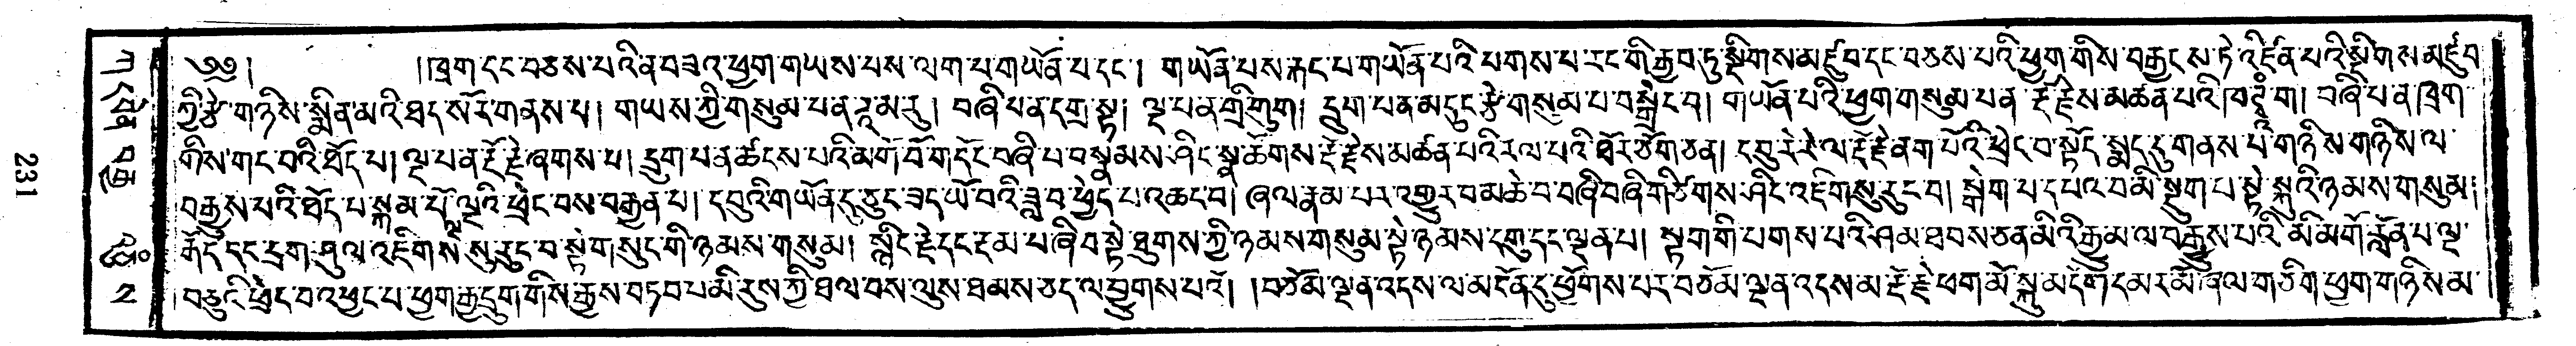༄༅། །ཁྲག་དང་བཅས་པའི་ན་བཟའ་ཕྱག་གཡས་པས་ལག་པ་གཡོན་པ་དང་། གཡོན་པས་རྐང་པ་གཡོན་པའི་པགས་པ་རང་གི་རྒྱབ་ཏུ་སྡིགས་མཛུབ་དང་བཅས་པའི་ཕྱག་གིས་བརྒྱངས་ཏེ་འཛིན་པའི་སྡིགས་མཛུབ་
ཀྱི་རྩེ་གཉིས་སྨིན་མའི་ཐད་སོར་གནས་པ། གཡས་ཀྱི་གསུམ་པ་ན་ཌཱ་མ་རུ། བཞི་པ་ན་དགྲ་སྟ། ལྔ་པ་ན་གྲི་གུག། དྲུག་པན་མདུང་རྩེ་གསུམ་པ་བསྒྲེང་བ། གཡོན་པའི་ཕྱག་གསུམ་པ་ན་རྡོ་རྗེས་མཚན་པའི་ཁ་ཊྭཱཾ་ག། བཞི་པ་ན་ཁྲག་
གིས་གང་བའི་ཐོད་པ་།ལྔ་པ་ན་རྡོ་རྗེ་ཞགས་པ། དྲུག་པ་ན་ཚངས་པའི་མགོ་བོ་གདོང་བཞི་པ་བསྣམས་ཤིང་སྣ་ཚོགས་རྡོ་རྗེས་མཚན་པའི་རལ་པའི་ཐོར་ཅོག་ཅན། དབུ་རེ་རེ་ལ་རྡོ་རྗེ་ནག་པོའི་ཕྲེང་བ་སྟོད་སྨད་དུ་གནས་པ་གཉིས་གཉིས་ལ་
བརྒྱུས་པའི་ཐོད་པ་སྐམ་པོ་ལྔ་ལྔའི་ཕྲེང་བས་བརྒྱན་པ། དབུའི་གཡོན་དུ་ཅུང་ཟད་ཡོ་བའི་ཟླ་བ་ཕྱེད་པ་འཆང་བ། ཞལ་རྣམ་པར་འགྱུར་བ་མཆེ་བ་བཞི་བཞི་གཙིགས་ཤིང་འཇིགས་སུ་རུང་བ། སྒེག་པ་དཔའ་བ་མི་སྡུག་པ་སྟེ་སྐུའི་ཉམས་གསུམ།
རྒོད་དང་དྲག་ཤུལ་འཇིགས་སུ་རུང་བ་སྟེ་གསུང་གི་ཉམས་གསུམ། སྙིང་རྗེ་དང་རྔམ་པ་ཞིབ་སྟེ་ཐུགས་ཀྱི་ཉམས་གསུམ་སྟེ་ཉམས་དགུ་དང་ལྡན་པ། སྟག་གི་པགས་པའི་ཤམ་ཐབས་ཅན་མིའི་རྒྱུ་མ་ལ་བརྒྱུས་པའི་མི་མགོ་རློན་པ་ལྔ་
བཅུའི་ཕྲེང་བ་འཕྱང་བ་ཕྱག་རྒྱ་དྲུག་གིས་རྒྱས་བཏབ་པ་མི་རུས་ཀྱི་ཐལ་བས་ལུས་ཐམས་ཅད་ལ་བྱུགས་པའོ། །བཅོམ་ལྡན་འདས་ལ་མངོན་དུ་ཕྱོགས་པར་བཅོམ་ལྡན་འདས་མ་རྡོ་རྗེ་ཕག་མོ་སྐུ་མདོག་དམར་མོ་ཞལ་གཅིག་ཕྱག་གཉིས་མ་